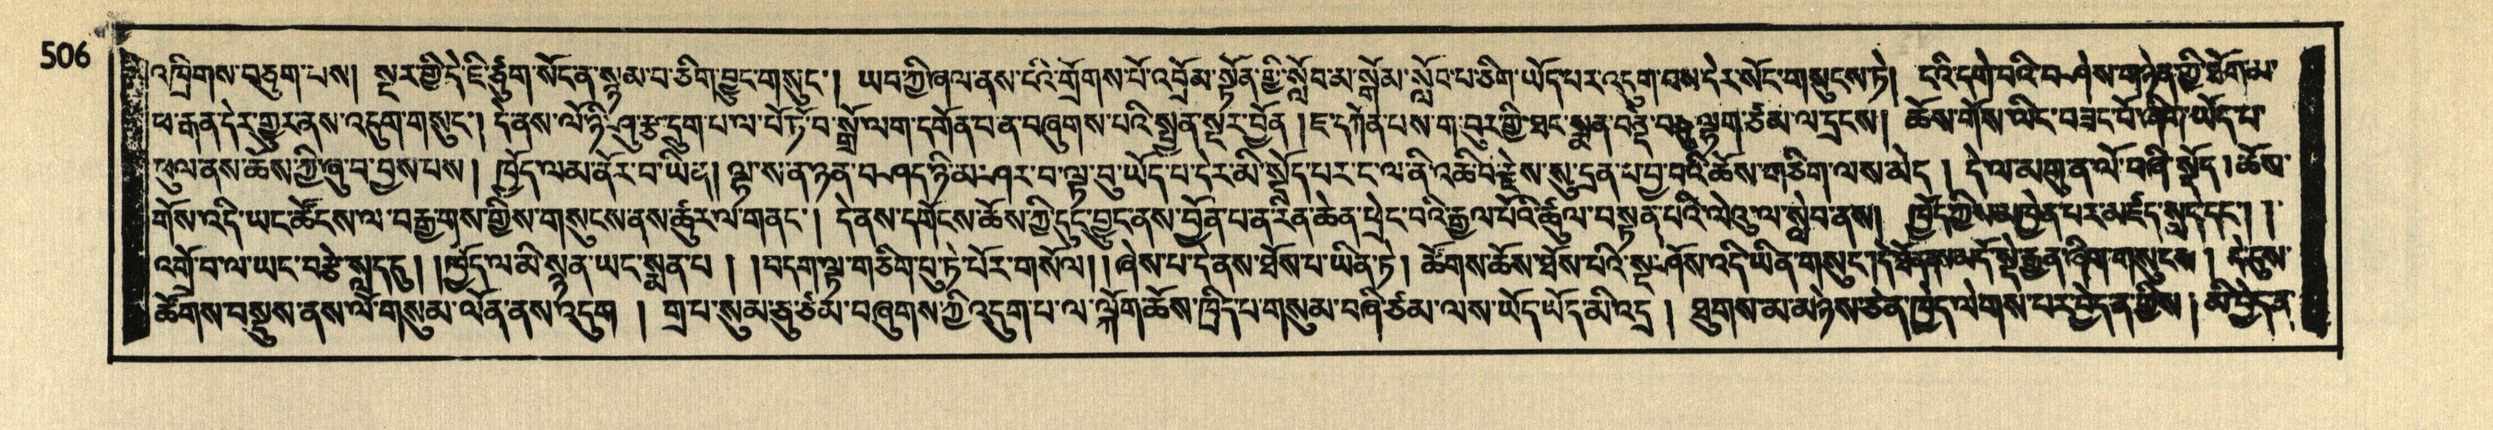འཁྲིགས་བཅུག་པས། སྔར་གྱི་དེ་ཇི་ཙུག་སོང་ན་སྙམ་པ་ཅིག་བྱུང་གསུང་། ཡབ་ཀྱི་ཞལ་ནས་ངའི་གྲོགས་པོ་འབྲོམ་སྟོན་གྱི་སློབ་མ་སྒོམ་སློབ་པ་ཅིག་ཡོད་པར་འདུག་པས་དེར་སོང་གསུངས་ཏེ། ངའི་དགེ་བའི་བཤེས་གཉེན་གྱི་ཐོག་མ་
ཕ་རྒན་དེར་གྱུར་ནས་འདུག་གསུང་། དེ་ནས་ལོ་ཉི་ཤུ་རྩ་དྲུག་པ་ལ་པོ་ཏོ་བ་སྒྲོ་ལག་དགོན་པ་ན་བཞུགས་པའི་སྤྱན་སྔར་བྱོན་།ཇ་དཀོན་པས་ག་བུར་གྱི་ཐང་སྨན་བནྡ་བཅུ་ལྷག་ཙམ་ལ་དྲངས། ཆོས་གོས་ལིང་བཟང་པོ་ཞིག་ཡོད་པ་
ཕུལ་ནས་ཆོས་ཀྱི་ཞུ་བ་བྱས་པས། ཁྱོད་ལམ་ནོར་བ་ཡིན། ལྷ་ས་ན་ཉན་བཤད་ཉི་མ་ཤར་བ་ལྟ་བུ་ཡོད་པ་དེར་མི་སྡོད་པར་ང་ལ་ནི་འཆི་བ་རྗེས་སུ་དྲན་པ་བྱ་བའི་ཆོས་གཅིག་ལས་མེད། དེ་ལ་མགུ་ན་ལོ་བཞི་སྡོད། ཆོས་
གོས་འདི་ཡང་ཚོངས་ལ་བརྒྱ་གས་གྱིས་གསུངས་ནས་ཚུར་ལ་གནང་། དེ་ནས་དགོངས་ཆོས་ཀྱི་དུང་བྱུང་ནས་བྱོན་པ་ན་རིན་ཆེན་ཕྲེང་བའི་རྒྱལ་པོའི་ཚུལ་བསྟན་པའི་ལེའུ་ལ་སླེབ་ནས། ཁྱོད་ཀྱིས་མཁྱེན་པར་མཛད་སླད་དང་། །
འགྲོ་བ་ལ་ཡང་བརྩེ་སླད་དུ། །ཁྱོད་ལ་མི་སྙན་ཡང་སྨན་པ། །བདག་ལྟ་གཅིག་པུ་ཏོ་པོར་གསོལ། །ཞེས་པ་དེ་ནས་ཐོབ་པ་ཡིན་ཏེ། ཚོགས་ཆོས་ཐོས་པའི་སྔ་ཤོས་འདི་ཡིན་གསུང་། དེ་ཐོན་ནས་མདོ་སྡེ་རྒྱན་ཞིག་གསུངས། དེ་དུས་
ཚོགས་བསྡུས་ནས་ལོ་གསུམ་ལོན་ནས་འདུག །གྲ་པ་སུམ་ཅུ་ཙམ་བཞུགས་ཀྱི་འདུག་པ་ལ་ལྐོག་ཆོས་ཁྲིད་པ་གསུམ་བཞི་ཙམ་ལས་ཡོད་ཡོད་མི་འདྲ། ཐུགས་མ་མཉེས་ཅེན་ཁྱེད་ལེགས་པར་བྱེད་ན་གྱིས། མི་བྱེད་ན་